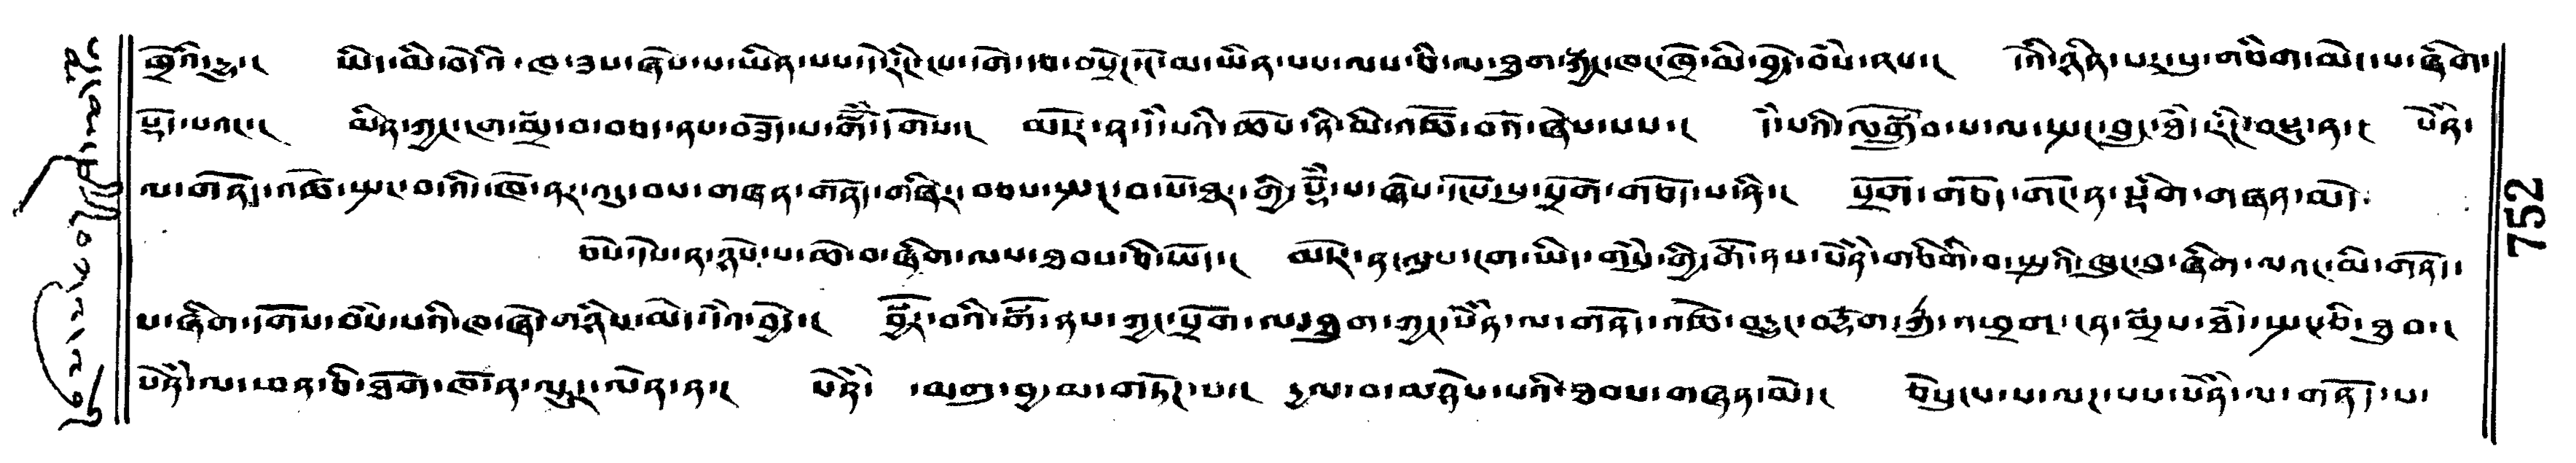ཁྲོའི་རྒྱུ་ཡིད་མི་བདེའི་ཁ་ཟས་ཞེས་པ་ཡིན་པས་དེ་རིང་ངའི་དགེ་རྩ་བསྲེག་ངོ་མ་ཡིན་པས། ལས་ཅི་ལ་ཐུག་རྐྱང་ཁོང་ཁྲོ་མི་བྱེད་བསམ་ནས། དེའི་ཉིན་པར་སུ་གཅིག་མེད་ས་ཞིག་
སྡོད་པའམ། མིན་ཀྱང་ངག་སྨྲ་བ་བཅད་ནས་བཟོད་པ་སྒོམ་དགོས། མདོར་ན་དམ་པའི་ཆོས་ནི་མི་འཚེ་བའོ་ཞེས་པས། དམ་པའི་ཆོས་སྒྲུབ་པ་ལ་སྤང་བླང་ཐམས་ཅད་རིགས་བསྡུ་ན། སེམས་ཅན་
ལ་གནོད་འཚེ་སྤང་བ་འདི་ཁོ་ནར་འདུ་བས་གཞན་གནོད་གཞིར་བཅས་སྤོང་བ་སོ་ཐར་གྱི་སྡོམ་པ་ཞེས་དངོས་སུ་སྲོག་གཅོད་པ་ནི། སྲོག་གཅོད་གོང་ན་སྡིག་གཞན་མེད་
ཅེས་དེས་ན་ཉེས་པ་ཆེ་བ་ཞིག་ལས་ཐབས་ཅི་ཡོད། མདོར་ན་ལུས་ངག་ཡིད་གསུམ་གྱི་སྒོ་ནས་སེམས་ཅན་གཅིག་གི་བ་སྤུའི་ཁུང་བུ་ཞིག་ལའང་མི་གནོད་
པ་ཞིག་དགོས་བསམ་པའི་ཁ་ཞེ་གཉིས་མེད་དམ་བཅའ་བྱེད། སྦྱོར་བའི་སྒོ་ནས་ཀྱང་སྲོག་ལ་ཐུག་ཀྱང་སེམས་ཅན་ལ་གནོད་འཚེ་རྡུང་རྡེག་རྐུ་འཕྲོག་ངན་སྨྲས་ཐམས་ཅད་སྤང་ཅི་ཐུབ། 
སེམས་ཅན་ལ་ཕན་ཅི་ཐོགས་ཁོ་ན་ལྷུར་ལེན་ན། སེམས་ཅན་མགུ་བྱ་མ་གཏོགས་པ། རྒྱལ་བ་མཉེས་པའི་ཐབས་གཞན་མེད། ཅེས་གསུང་པ་ལགས་པས་སེམས་ཅན་ལ་གནོད་པ་